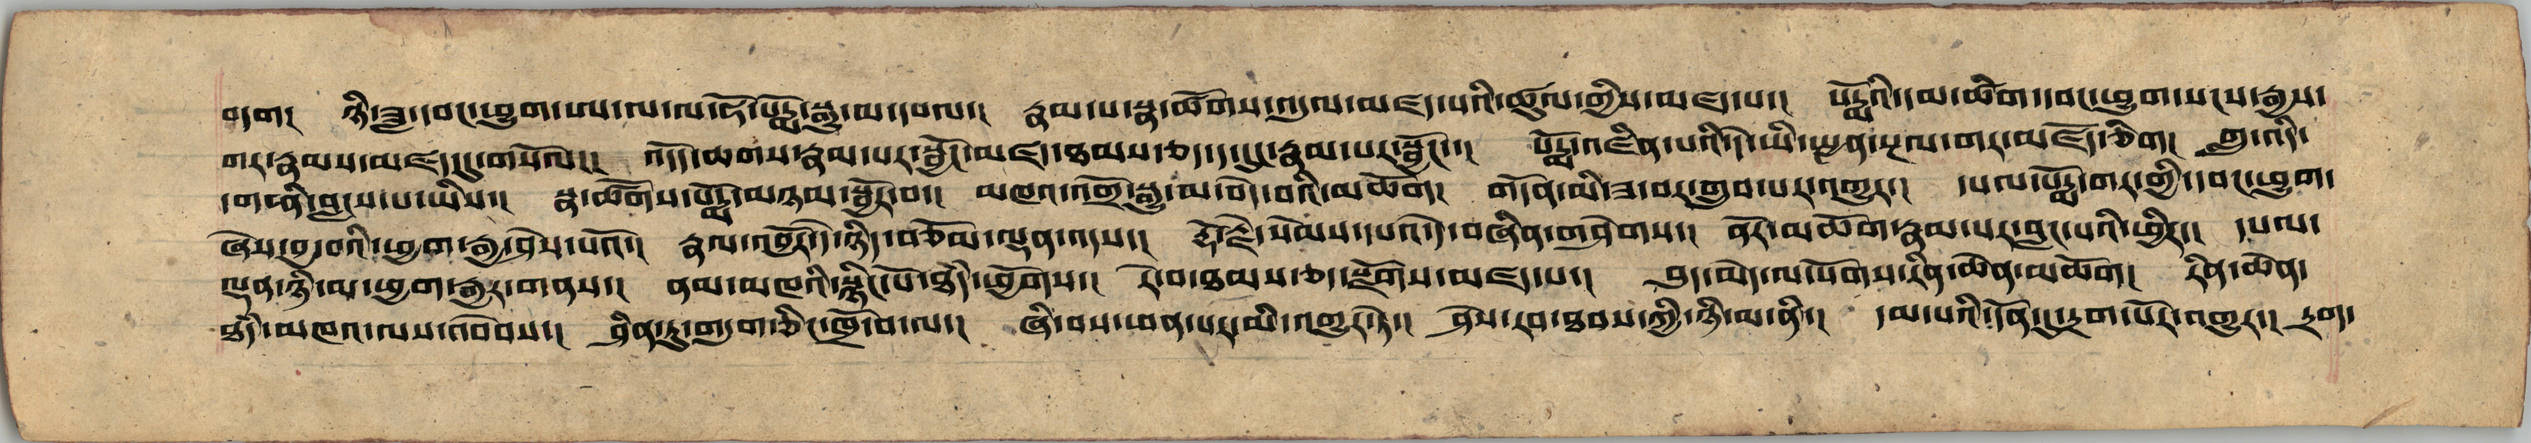བདག། ཉི་ཟླ་དབང་ཕྱུག་ཨ་ལ་ལ་ཧོ་པདྨོ་སྒྱུ་མ་དཔལ་། རྣམ་པ་སྣ་ཚོགས་འདུལ་མཛད་པའི་ཚུལ་གྱིས་མཛད་པ་། པདྨོའི་དམ་ཚིག་དབང་ཕྱུག་སངས་རྒྱས་
གར་རྣམས་མཛད་དུ་གསོལ་། འདོད་ཆགས་རྣམ་པར་སྦྱོང་མཛད་ཐམས་ཅད་ད་དུང་རྣམ་པར་སྦྱོང་། པདྨོ་འཛིན་པའི་དེ་ཡི་སྤྱན་སྔལ་གར་མཛད་ཅིག། གླུ་འདི་
དག་ནི་བླངས་པ་ཡིས་། སྣ་ཚོགས་པདྨོ་མཉམ་སྦྱོར་བ་། མཁའ་འགྲོ་སྒྱུ་མ་བདེ་བའི་མཆོག། གདོན་མི་ཟ་བར་གྲུབ་པར་འགྱུར་། དཔལ་པདྨོ་གར་གྱི་དབང་ཕྱུག་
ཞེས་བྱ་བའི་ཕྱག་རྒྱ་ཤེས་པའོ་། རྣལ་འབྱོར་དེ་ཉིད་བཅོམ་ལྡན་འདས་། རྡོ་རྗེ་སེམས་དཔའ་དེ་བཞིན་གཤེགས་། ནོར་མཆོག་རྣམ་པར་བླང་པའི་ཕྱིར་། དཔལ་
ལྡན་ཉི་མ་ཕྱག་རྒྱར་གནས་། ནམ་མཁའི་སྙིང་པོ་ཐཾད་ཕྱོགས་། རེ་བ་ཐམས་ཅད་སྫོགས་མཛད་པ་། བུད་མེད་ལ་སོགས་རིན་ཆེན་མཆོག། རིན་ཆེན་
ཐཾད་མཁའ་ལས་འབེབས་། ཤིན་ཏུ་གདུག་ཅིང་ཁྲོ་བ་ལ་། ཞི་བས་ཕན་པར་མི་འགྱུར་ཏེ་། ཤེས་རབ་ཐབས་ཀྱི་ཉི་མ་ནི་། དམ་པའི་དོན་དུདྲག་པོར་འགྱུར་། དྲག་